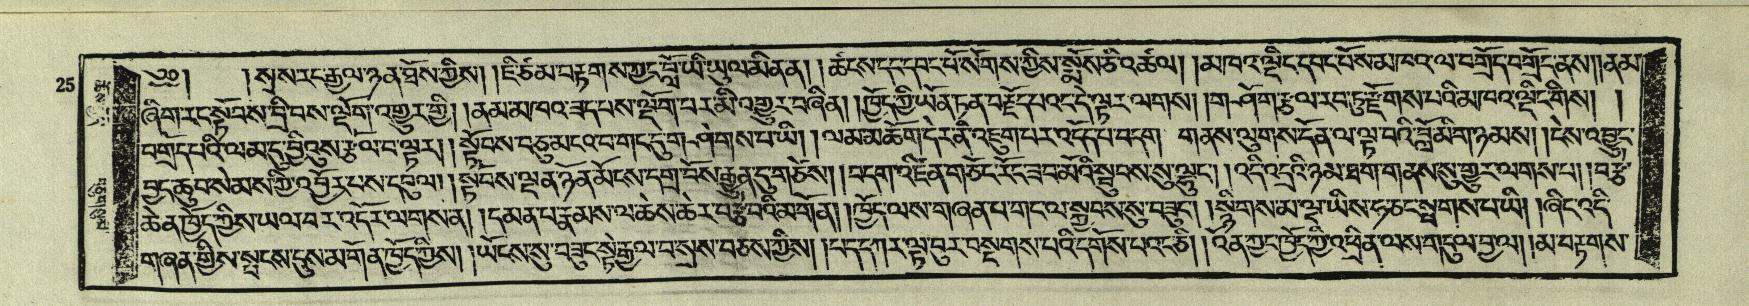༄༅། །སྲས་རང་རྒྱལ་ཉན་ཐོས་ཀྱིས། །ཇི་ཙམ་བརྟགས་ཀྱང་བློ་ཡི་ཡུལ་མིན་ན། །ཚངས་དང་དབང་པོ་སོགས་ཀྱིས་སྨོས་ཅི་འཚལ། །མཁའ་ལྡིང་དབང་པོས་མཁའ་ལ་བགྲོད་བགྲོད་ནས། །ནམ་
ཞིག་རང་སྟོབས་བྲི་བས་ལྡོག་འགྱུར་གྱི། །ནམ་མཁའ་ཟད་པས་ལྡོག་པར་མི་འགྱུར་བཞིན། །ཁྱོད་ཀྱི་ཡོན་ཏན་བརྗོད་པའང་དེ་ལྟར་ལགས། །གཤོག་རྩལ་རབ་ཏུ་རྫོགས་པའི་མཁའ་ལྡིང་གིས། །
བགྲོད་པའི་ལམ་དུ་བྱིའུས་རྩོལ་བ་ལྟར། །སྟོབས་བཅུ་མངའ་བ་གང་དུ་གཤེགས་པ་ཡི། །ལམ་མཆོག་དེར་ནི་འཇུག་པར་འདོད་པ་བདག་གནས་ལུགས་དོན་ལ་ལྟ་བའི་བློ་མིག་ཉམས། །ངེས་འབྱུང་
བྱང་ཆུབ་སེམས་ཀྱི་འབྱོར་པས་དབུལ། །སྟོབས་ལྡན་ཉོན་མོངས་དགྲ་བོས་རྒྱུན་དུ་གཙེས། །བདག་འཛིན་གཅོད་རོང་ཟབ་མོའི་སྦུབས་སུ་ལྷུང་། །འདི་འདྲའི་ཉམ་ཐག་གནས་སུ་གྱུར་ལགས་པ། །བརྩེ་
ཆེན་ཁྱོད་ཀྱིས་ཡལ་བར་འདོར་ལགས་ན། །དམན་པ་རྣམས་ལ་ཆེས་ཆེར་བརྩེ་བའི་མགོན། །ཁྱོད་ལས་གཞན་པ་གང་ལ་སྐྱབས་སུ་བཟུང་། །སྙིགས་མ་ལྔ་ཡིས་ཧ་ཅང་སྤགས་པ་ཡི། །ཞིང་འདི་
གཞན་གྱིས་སྤངས་དུས་མགོན་ཁྱོད་ཀྱིས། །ཡོངས་སུ་བཟུང་སྟེ་རྒྱལ་བ་སྲས་བཅས་ཀྱིས། །པད་དཀར་ལྟ་བུར་བསྔགས་པའི་དགོས་པའང་ཅི། །འོན་ཀྱང་ཁྱོད་ཀྱི་འཕྲིན་ལས་གདུལ་བྱ་ལ། །མ་བརྟགས་